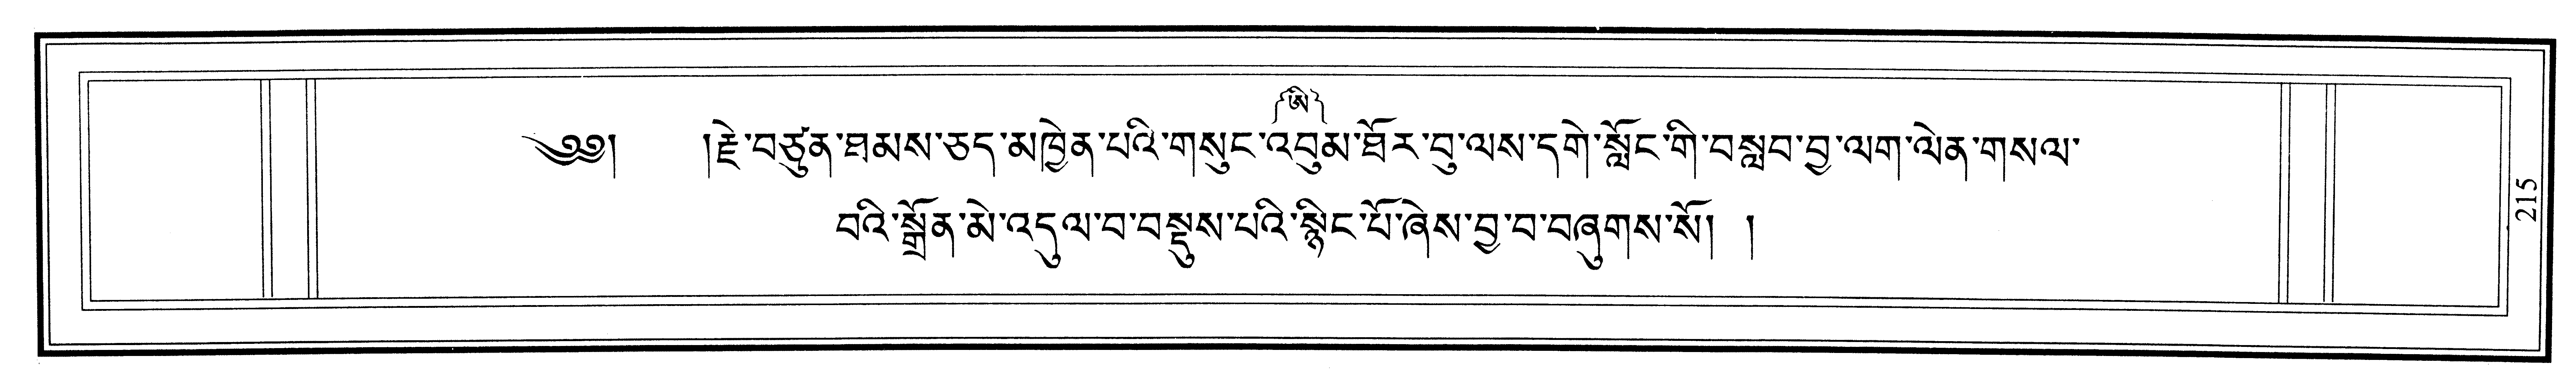༄༅། །རྗེ་བཙུན་ཐམས་ཅད་མཁྱེན་པའི་གསུང་འབུམ་ཐོར་བུ་ལས་དགེ་སློང་གི་བསླབ་བྱ་ལག་ལེན་གསལ་བའི་སྒྲོན་མེ་འདུལ་བ་བསྡུས་པའི་སྙིང་པོ་ཞེས་བྱ་བ་བཞུགས་སོ།།